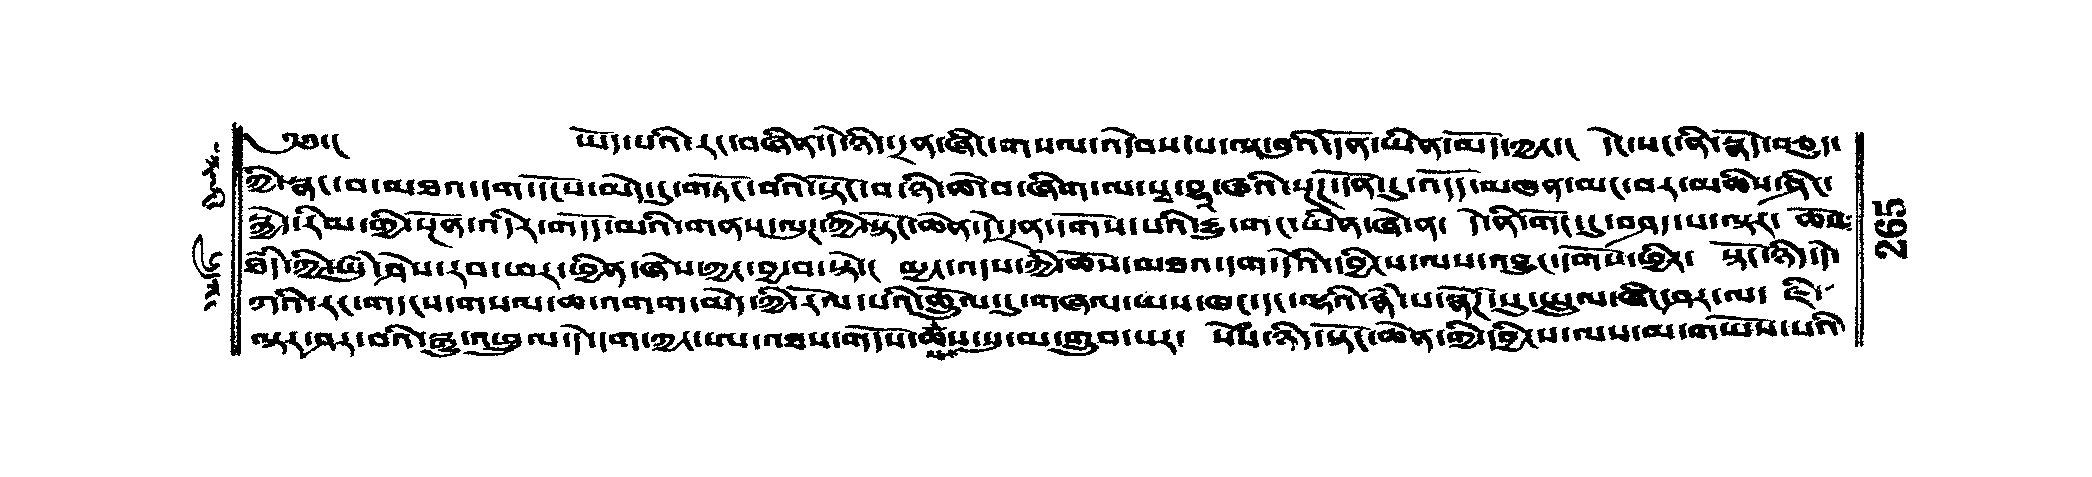ཡོད་པའི་རང་བཞིན་དེ་ཉིད་དྲན་ཞིང་གསལ་འདེབས་པ་ལྟ་བུའི་དོན་ཡིན་མོད་ཀྱང་། དེང་སང་ནི་སྣོད་བཅུད་
ཀྱི་སྣང་བ་མཐའ་དག་དངོས་མེད་དུ་གཏོང་བའི་སྟོང་བ་ཉི་ཚེ་བ་ཞིག་ལ་སྭ་བྷཱ་ཝའི་སྔགས་དོན་དུ་འདོད་མཁན་མང་བར་མཆིས་ཤིང་། 
བསྐྱེད་རིམ་གྱི་སྔོན་འདིར་གདོད་མའི་གནས་ལུགས་ཀྱི་སྟོང་ཆེན་དེ་དྲན་དགོས་པའི་རྒྱུ་གང་ཡིན་ཞེ་ན། དེ་ནི་གོང་དུ་བཤད་པ་ལྟར། ཆོས་
ཐམས་ཅད་ཀྱི་ཡུམ་ཤེས་རབ་ཕར་ཕྱིན་ཞེས་ཀྱང་བྱ་བ་སྟེ། མྱང་འདས་ཀྱི་ཆོས་མཐའ་དག་དེའི་དབྱིངས་ལས་འབྱུང་དགོས་ཕྱིར། སྟོང་ཉིད་དེ་
ཀའི་རང་གདངས་གསལ་ཆ་འགག་མེད་ཀྱི་རོལ་པའི་ཆོ་འཕྲུལ་དུ་གཞལ་ཡས་ཁང་དང་ལྷའི་རྣམ་པ་སྣ་ཚོགས་སུ་སྤྲུལ་ཞིང་ཤར་ལ། ཇི་
ལྟར་ཤར་བའི་སྒྱུ་འཕྲུལ་དེ་དག་ཀྱང་ཨ་འཐས་གདོད་བཅས་སུ་མ་གྲུབ་པར། སེམས་ཉིད་སྟོང་ཆེན་གྱི་དབྱིངས་ལས་མ་གཡོས་པའི་